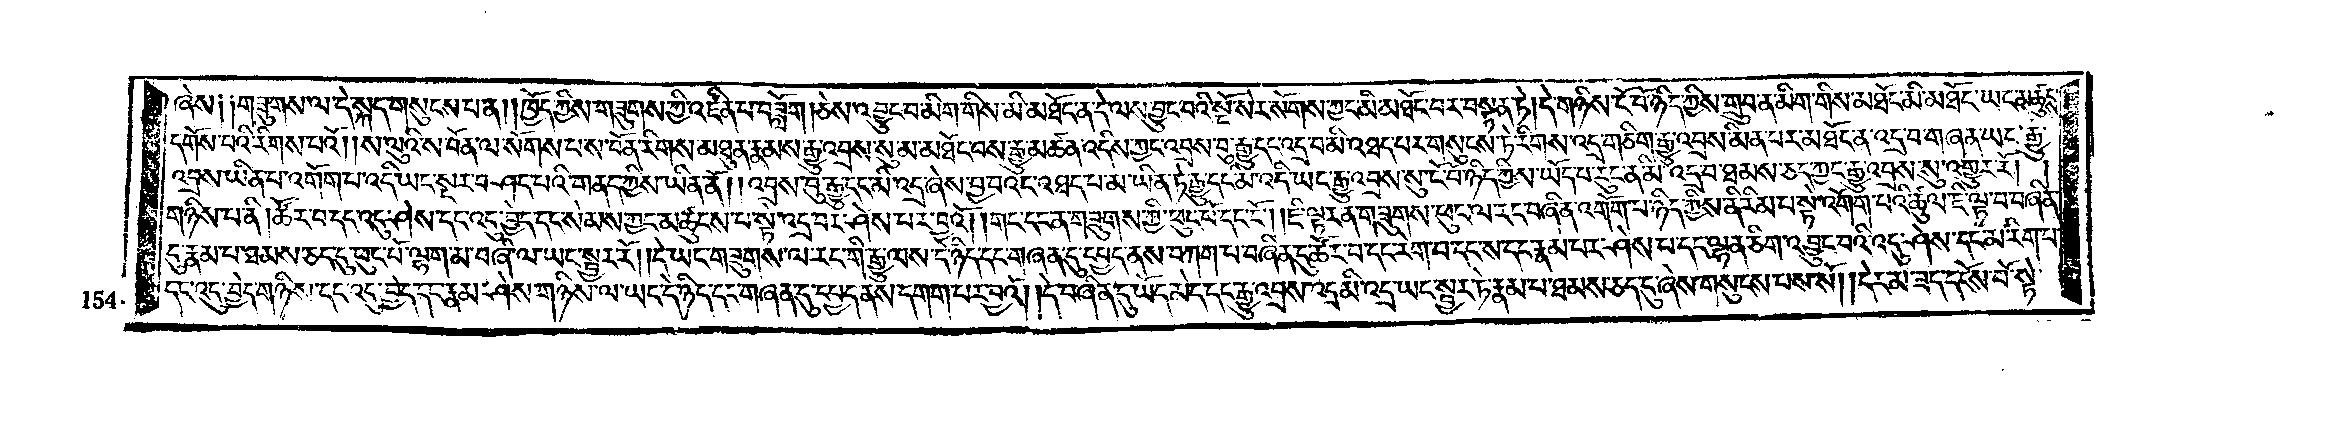ཞེས༑ ༑གཟུགས་ལ་དེ་སྐད་གསུངས་པ་ན། །ཁྱོད་ཀྱིས་གཟུགས་ཀྱི་འཛིན་པ་བཟློག །ཅེས་འབྱུང་བ་མིག་གིས་མི་མཐོང་ན་དེ་ལས་བྱུང་བའི་སྔོ་སེར་སོགས་ཀྱང་མི་མཐོང་བར་བསྟན་ཏེ། དེ་གཉིས་ངོ་བོ་ཉིད་ཀྱིས་གྲུབ་ན་མིག་གིས་མཐོང་མི་མཐོང་ཡང་མཚུངས་
དགོས་པའི་རིགས་པའོ། །ས་ལུའི་ས་བེན་ལ་སོགས་པ་ས་བོན་རིགས་མཐུན་རྣམས་རྒྱུ་འབྲས་སུ་མ་མཐོང་བས་རྒྱུ་མཆེན་འདིས་ཀྱང་འབྲས་བུ་རྒྱུ་དང་འདྲ་བ་མི་འཐད་པར་གསུངས་ཏེ་རིགས་འབྲ་གཅིག་རྒྱུ་འབྲས་མིན་པར་མཐོང་ན་འདྲ་བ་གཞན་ཡང་རྒྱུ་
འབྲས་ཡིན་པ་འགོག་པ་འདི་ཡང་སྔར་བཤད་པའི་གནད་ཀྱིས་ཡིན་ནོ། །འབྲས་བུ་རྒྱུ་དང་མི་འདྲ་ཞེས་བྱ་བའང་འཐད་པ་མ་ཡིན་ཏེ་རྒྱུ་དང་མི་འདྲ་ཡང་རྒྱུ་འབྲས་སུ་ངོ་བོ་ཉིད་ཀྱིས་ཡོད་པ་རུང་ན་མི་འདྲ་བ་ཐམས་ཅད་ཀྱང་རྒྱུ་འབྲས་སུ་འགྱུར་རོ། །
གཉིས་པ་ནི། ཚོར་བ་དང་འདུ་ཤེས་དང་འདུ་བྱེད་དང་སེམས་ཀྱང་མཚུངས་པ་སྟེ་འདྲ་བར་ཤེས་པར་བྱའོ། །གང་དང་ན་གཟུགས་ཀྱི་ཕུང་པོ་དང་ངེ?། །ཇི་ལྟར་ན་གཟུགས་ཕུང་ལ་རང་བཞིན་འགོག་པ་ཉིད་ཀྱིས་ནི་རིམ་པ་སྟེ་འགོག་པའི་ཚུལ་ཇི་ལྟ་བ་བཞིན་
དུ་རྣམ་པ་ཐམས་ཅད་དུ་ཕུང་པོ་ལྷག་མ་བཞི་ལ་ཡང་སྦྱར་རོ། །དེ་ཡང་གཟུགས་ལ་རང་གི་རྒྱུ་ལས་དེ་ཉིད་དང་གཞན་དུ་དཔྱད་ནས་བཀག་པ་བཞིན་དུ་ཚོར་བ་དང་རྟེགས་པ་དང་ས་དང་རྣམ་པར་ཤེས་པ་དང་ལྷན་ཅིག་འབྱུང་བའི་འདུ་ཤེས་དང་མ་རིག་པ་
དང་འདུ་བྱེད་གཉིས་དང་འདུ་བྱེད་དང་རྣམ་ཤེས་གཉིས་ལ་ཡང་དེ་ཉིད་དང་གཞན་དུ་དཔྱད་ནས་དགག་པར་བྱའོ། །དེ་བཞིན་དུ་ཡོད་མེད་དང་རྒྱུ་འབྲས་འདྲ་མི་འདྲ་ཡང་སྦྱར་ཏེ་རྣམ་པ་ཐམས་ཅད་དུ་ཞེས་གསུངས་པས་སོ། །དེར་མ་ཟད་དངོས་པོ་སྟེ་